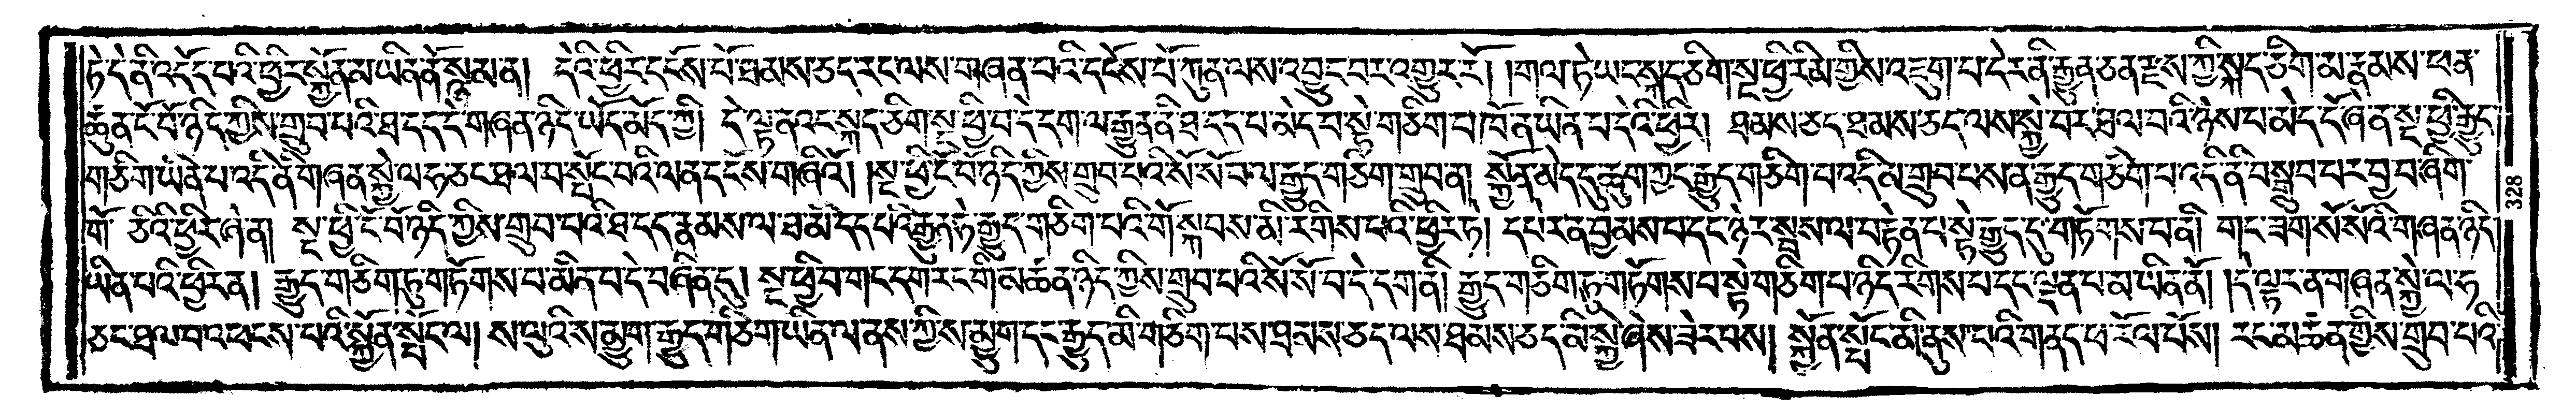ཏེ་དེ་ནི་འདོད་པའི་ཕྱིར་སྐྱོན་མ་ཡིན་ནོ་སྙམ་ན། དེའི་ཕྱིར་དངོས་པོ་ཐམས་ཅད་རང་ལས་གཞན་པའི་དངོས་པོ་ཀུན་ལས་འབྱུང་བར་འགྱུར་རོ། །གལ་ཏེ་ཡང་སྐད་ཅིག་སྔ་ཕྱི་རིམ་གྱིས་འཇུག་པ་དེར་ནི་རྒྱུན་ཅན་རྫས་ཀྱི་སྐད་ཅིག་མ་རྣམས་ཕན་
ཚུན་ངོ་བོ་ཉིད་ཀྱིས་གྲུབ་པའི་ཐ་དད་དེ་གཞན་ཉིད་ཡོད་མོད་ཀྱི། དེ་ལྟ་ནའང་སྐད་ཅིག་སྔ་ཕྱི་བ་དེ་དག་ལ་རྒྱུན་ནི་ཐ་དད་པ་མེད་པ་སྟེ་གཅིག་པ་ཁོ་ན་ཡིན་པ་དེའི་ཕྱིར། ཐམས་ཅད་ཐམས་ཅད་ལས་སྐྱེ་བར་ཐལ་བའི་ཉེས་པ་མེད་དོ་ཞེ་ན་སྔ་ཕྱི་རྒྱུད་
གཅིག་ཡིན་པ་འདི་ནི་གཞན་སྐྱེ་ལ་ཧ་ཅང་ཐལ་བ་སྤོང་བའི་ལན་དངོས་གཞིའོ། །སྔ་ཕྱི་ངོ་བོ་ཉིད་ཀྱིས་གྲུབ་པའི་སོ་སོ་བ་ལ་རྒྱུད་གཅིག་གྲུབ་ན། སྐྱོན་མེད་དུ་ཆུག་ཀྱང་རྒྱུད་གཅིག་པ་འདི་མ་གྲུབ་པས་ན་རྒྱུད་གཅིག་པ་འདི་ནི་བསྒྲུབ་པར་བྱ་བ་ཞིག་
གོ་ཅིའི་ཕྱིར་ཞེ་ན། སྔ་ཕྱི་ངོ་བོ་ཉིད་ཀྱིས་གྲུབ་པའི་ཐ་དད་རྣམས་ལ་ཐ་མི་དད་པའི་རྒྱུན་ཏེ་རྒྱུད་གཅིག་པའི་གོ་སྐབས་མི་རིགས་པའི་ཕྱིར་ཏེ། དཔེར་ན་བྱམས་པ་དང་ཉེར་སྦས་ལ་བརྟེན་པ་སྟེ་རྒྱུད་དུ་གཏོགས་པ་ནི། གང་ཟག་སོ་སོའི་གཞན་ཉིད་
ཡིན་པའི་ཕྱིར་ན། རྒྱུད་གཅིག་ཏུ་གཏོགས་པ་མིན་པ་དེ་བཞིན་དུ། སྔ་ཕྱི་བ་གང་དག་རང་གི་མཚན་ཉིད་ཀྱིས་གྲུབ་པའི་སོ་སོ་བ་དེ་དག་ནི། རྒྱུད་གཅིག་ཏུ་གཏོགས་པ་སྟེ་གཅིག་པ་ཉིད་རིགས་པ་དང་ལྡན་པ་མ་ཡིན་ནོ། །དེ་ལྟར་ན་གཞན་སྐྱེ་ལ་ཧ་
ཅང་ཐལ་བ་འཕངས་པའི་སྐྱོན་སྤོང་ལ། ས་ལུའི་ས་མྱུག་རྒྱུད་གཅིག་ཡིན་ལ་ནས་ཀྱི་ས་མྱུག་དང་རྒྱུད་མི་གཅིག་པས་ཐམས་ཅད་ལས་ཐམས་ཅད་མི་སྐྱེ་ཞེས་ཟེར་བས། སྐྱོན་སྤོང་མི་ནུས་པའི་གནད་ཕ་རོལ་པོས། རང་མཚན་གྱིས་གྲུབ་པའི་